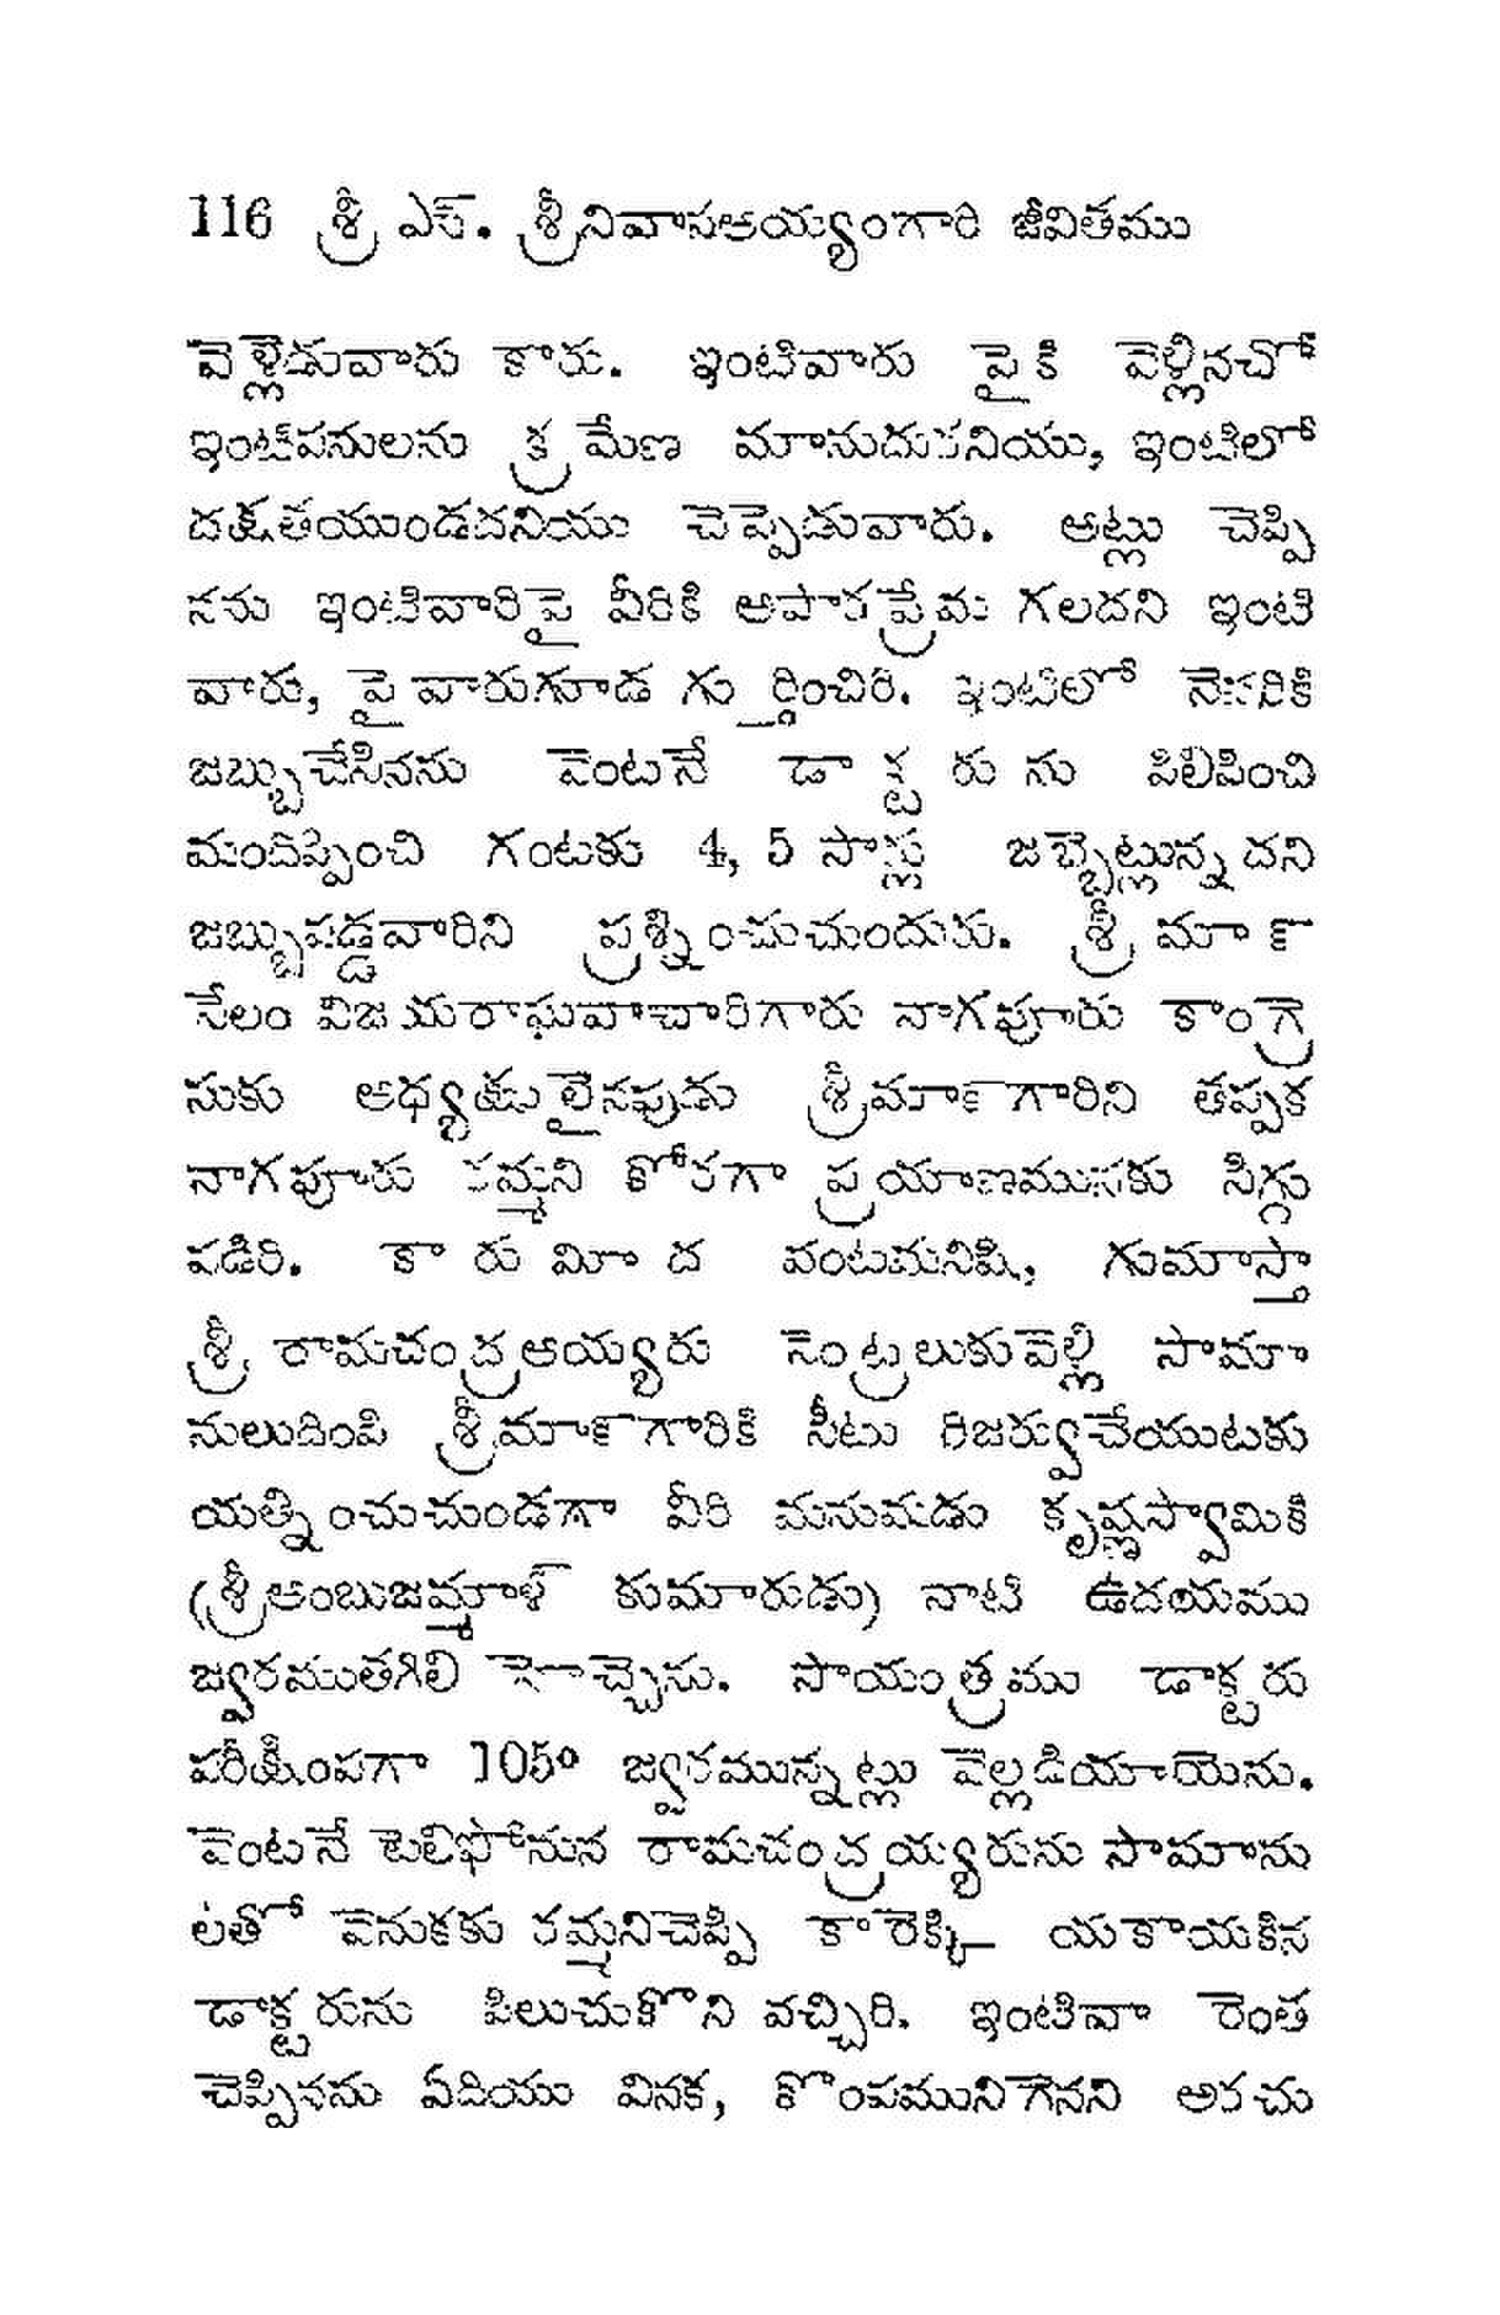వెళ్లెడువారు కారు. ఇంటివారు పైకి వెళ్లినచో ఇంటిపనులను క్రమేణ మానుదురనియు, ఇంటిలో దక్షతయుండదనియు చెప్పెడువారు. అట్లు చెప్పిసను ఇంటివారిపై వీరికి ఆపారప్రేమ గలదని ఇంటివారు, పైవారుగూడ గుర్తించిరి. ఇంటిలో నెవరికి జబ్బుచేసినను వెంటనే డాక్టరును పిలిపించి మందిప్పించి గంటకు 4, 5 సార్లు జబ్బెట్లున్నదని జబ్బుపడ్డవారిని ప్రశ్నించుచుందురు. శ్రీమా౯ సేలం విజయరాఘవాచారిగారు నాగపూరు కాంగ్రెసుకు అధ్యక్షులైనపుడు శ్రీమా౯గారిని తప్పక నాగపూరు రమ్మని కోరగా ప్రయాణమునకు సిద్ధ పడిరి. కారుమీద వంటమనిషి, గుమాస్తా శ్రీ రామచంద్రఅయ్యరు. సెంట్రలుకువెళ్లి సామానులుదింపి శ్రీమా౯గారికి సీటు రిజర్వుచేయుటకు యత్నించుచుండగా వీరి మనుమడు కృష్ణస్వామికి (శ్రీ అంబుజమ్మాళ్ కుమారుడు) నాటి ఉదయము జ్వరముతగిలి హెచ్చెను. సాయంత్రము డాక్టరు పరీక్షింపగా 1050 జ్వరమున్నట్లు వెల్లడియాయెను. వెంటనే టెలిఫోనున రామచంద్రయ్యరును సామానులతో వెనుకకు రమ్మనిచెప్పి కారెక్కి యకాయకిన డాక్టరును పిలుచుకొని వచ్చిరి. ఇంటి వా రెంత చెప్పినను ఏదియు వినక, కొంపమునిగెనని అరచు